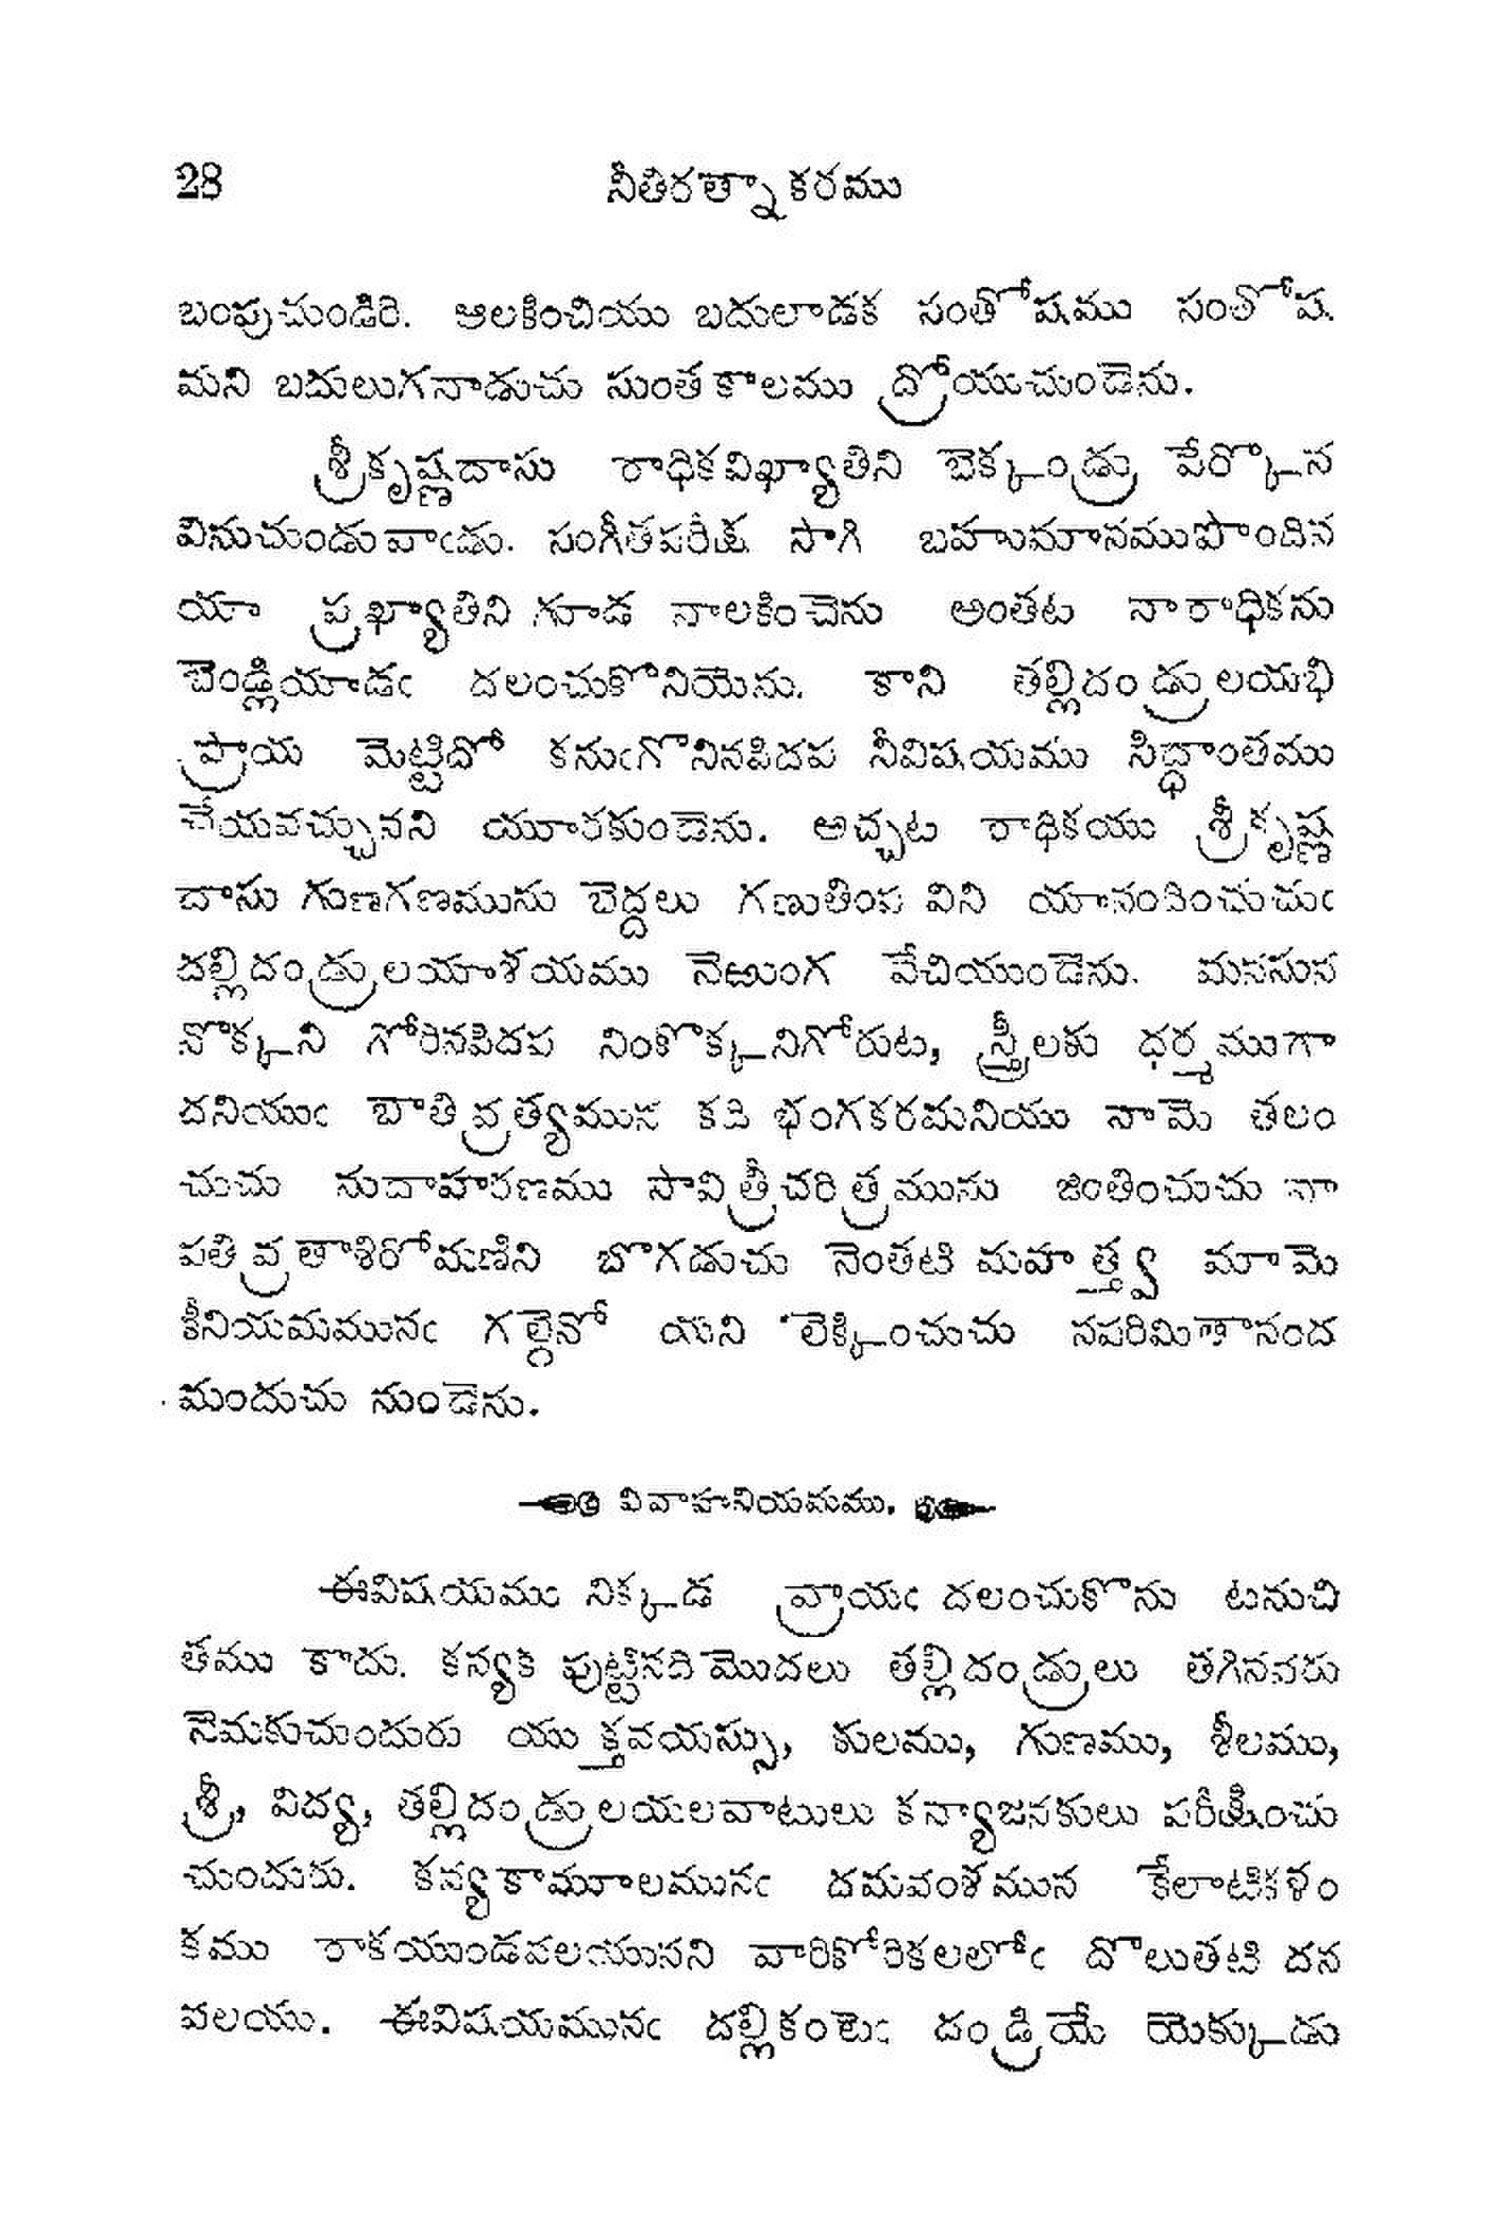బంపుచుండిరి. ఆలకించియు బదులాడక సంతోషము సంతోష మని బదులుగనాడుచు సుంతకాలము ద్రోయుచుండెను. 

శ్రీకృష్ణదాసు రాధిక విఖ్యాతిని బెక్కండ్రు, పేర్కొన వినుచుండువాఁడు. సంగీతపరీక్ష సాగి బహుమానము పొందిన యా ప్రఖ్యాతిని గూడ నాలకించెను. అంతట నారాధికను బెండ్లియాడఁ దలంచుకొనియెను. కాని తల్లిదండ్రులయభి ప్రాయ మెట్టిదో కనుఁగొనినపిదప నీవిషయము సిద్ధాంతము చేయవచ్చునని యూరకుండెను. అచ్చట రాధికయు శ్రీకృష్ణ దాసు గుణగణమును "బెద్దలు గణుతింప విని యానం దించుచుఁ దల్లిదండ్రులయాశయము నేఱుంగ వేచియుండెను. మనసున నొక్కని గోరినపిదప నింకొక్క నిగోరుట, స్త్రీలకు ధర్మముగా దనియుఁ బాతి వ్రత్యమున కది భంగకరమనియు నామె తలం చుచు నుదాహరణము సావీ త్రీ చరిత్ర మును జింతించుచు నా పతివ్రతాశిరోమణిని బొగడుచు నెంతటి మహత్త్వ మామె కీనియమమునఁ గల్గెనో యని ' లెక్కించుచు నపరిమితానంద మందుచు నుండెను.

 

ఈవిషయము నిక్కడ వ్రాయఁ దలంచుకొను టనుచితము కాదు. కన్యకి ఫుట్టినది మొదలు తల్లిదండ్రులు తగినవరు నెమకుచుందురు యుక్తవయస్సు, కులము, గుణము, శీలము, శ్రీ, విద్య, తల్లిదండ్రు లయల వాటులు కన్యాజనకులు పరీక్షించు చుందురు. కన్య కామూలమునఁ దమవంశమున కేలాటి కళంకము రాకయుండవలయునని వారికోరికలలోఁ దొలుతటి దన వలయు. ఈవిషయమునఁ దల్లికంటెఁ దండ్రియే యెక్కుడు